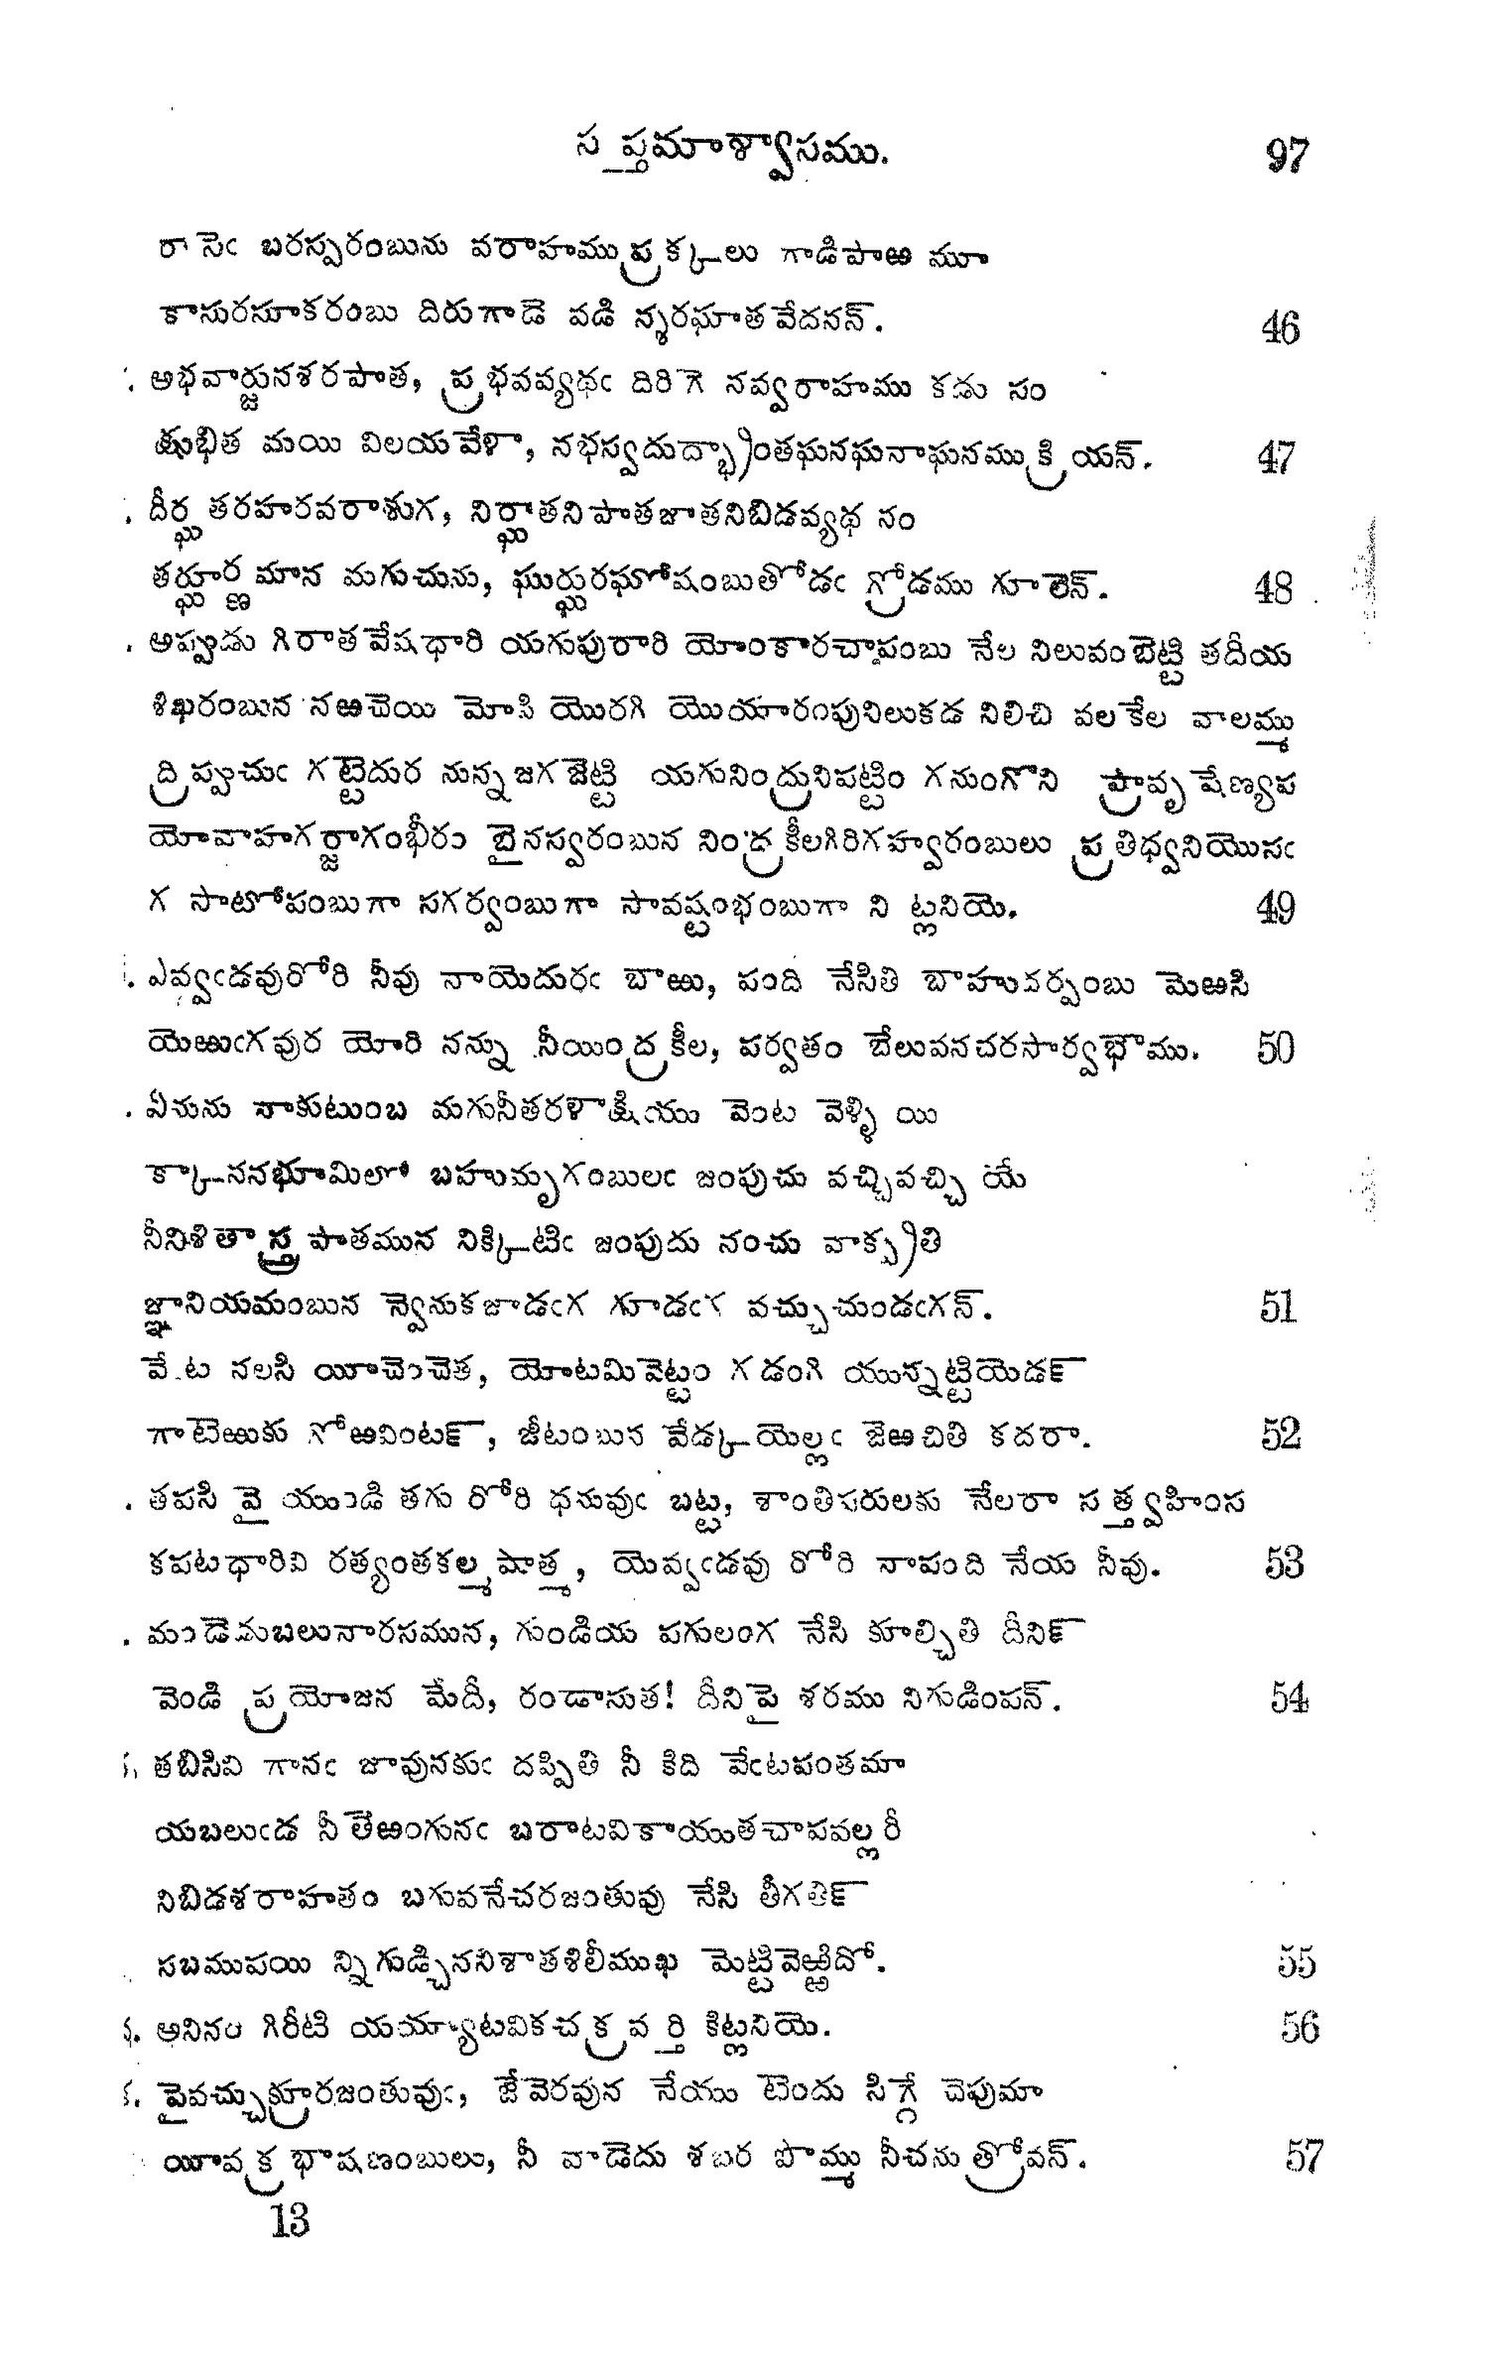రాసెఁ బరస్పరంబును వరాహముప్రక్కలు గాడిపాఱ మూ
కాసురసూకరంబు దిరుగాడె వడి న్శరఘాతవేదనన్ . 46

క. అభవార్జునశరపాత, ప్రభవవ్యథఁ దిరిగె నవ్వరాహము కడు సం
క్షుభిత మయి విలయవేళా, నభస్వదుద్భ్రాంతఘనఘనాఘనముక్రియన్. 47

క. దీర్ఘతరహరవరాశుగ, నిర్ఘాతనిపాతజాతనిబిడవ్యథ నం
తర్ఘూర్ణమాన మగుచును, ఘుర్ఘురఘోషంబుతోడఁ గ్రోడము గూలెన్. 48

వ. అప్పుడు గిరాతవేషధారి యగుపురారి యోంకారచాపంబు నేల నిలువంబెట్టి తదీయశిఖరంబున నఱచెయి మోసి యొరగి యొయారంపునిలుకడ నిలిచి వలకేల వాలమ్ము ద్రిప్పుచుఁ గట్టెదుర నున్నజగజెట్టి యగునింద్రునిపట్టిం గనుంగొని ప్రావృషేణ్యపయోవాహగర్జాగంభీరం బైనస్వరంబున నింద్రకీలగిరిగహ్వరంబులు ప్రతిధ్వని యొసఁగ సాటోపంబుగా సగర్వంబుగా సావష్టంభంబుగా ని ట్లనియె. 49

తే. ఎవ్వఁడవు రోరి నీవు నాయెదురఁ బాఱు, పంది నేసితి బాహుదర్పంబు మెఱసి
యెఱుఁగవుర యోరి నన్ను నీయింద్ర కీల, పర్వతం బేలువనచరసార్వభౌము. 50

ఉ. ఏనును నాకుటుంబ మగునీతరళాక్షియు వెంట వెళ్ళి యి
క్కాననభూమిలో బహుమృగంబులఁ జంపుచు వచ్చివచ్చి యే
నీనిశితాస్త్రపాతమున నిక్కిటిఁ జంపుదు నంచు వాక్ప్రతి
జ్ఞానియమంబున న్వెనుకజాడఁగ గూడఁగ వచ్చుచుండఁగన్. 51

క. వేఁట నలసి యీచెంచెత, యోటమివెట్టం గడంగి యున్నట్టియెడన్
గాటెఱుకు గోఱవింటన్, జీటంబున వేడ్కయెల్లఁ జెఱచితి కదరా. 52

తే. తపసి వై యుండి తగు రోరి ధనువుఁ బట్ట, శాంతిపరులకు నేలరా సత్త్వహింస
కపటధారివి రత్యంతకల్మషాత్మ, యెవ్వఁడవు రోరి నాపంది నేయ నీవు. 53

క. మండెముబలునారసమున , గుండియ పగులంగ నేసి కూల్చితి దీనిన్
వెండి ప్రయోజన మేదీ, రండాసుత! దీనిపై శరము నిగుడింపన్. 54

చ. తబిసివి గానఁ జావునకుఁ దప్పితి నీ కిది వేఁటపంతమా
యబలుఁడ నీతెఱంగునఁ బరాటవికాయుతచాపవల్లరీ
నిబిడశరాహతం బగువనేచరజంతువు నేసి తీగతిన్
సబముపయి న్నిగుడ్చిన నిశాతశిలీముఖ మెట్టివెఱ్ఱిదో. 55

వ. అనినం గిరీటి యయ్యాటవికచక్రవర్తి కిట్లనియె. 56

క. పైవచ్చు క్రూరజంతువుఁ, జేవెరవున నేయు టెందు సిగ్గే చెపుమా
యీవక్రభాషణంబులు, నీ వాడెదు శబర పొమ్ము నీచనుత్రోవన్. 57